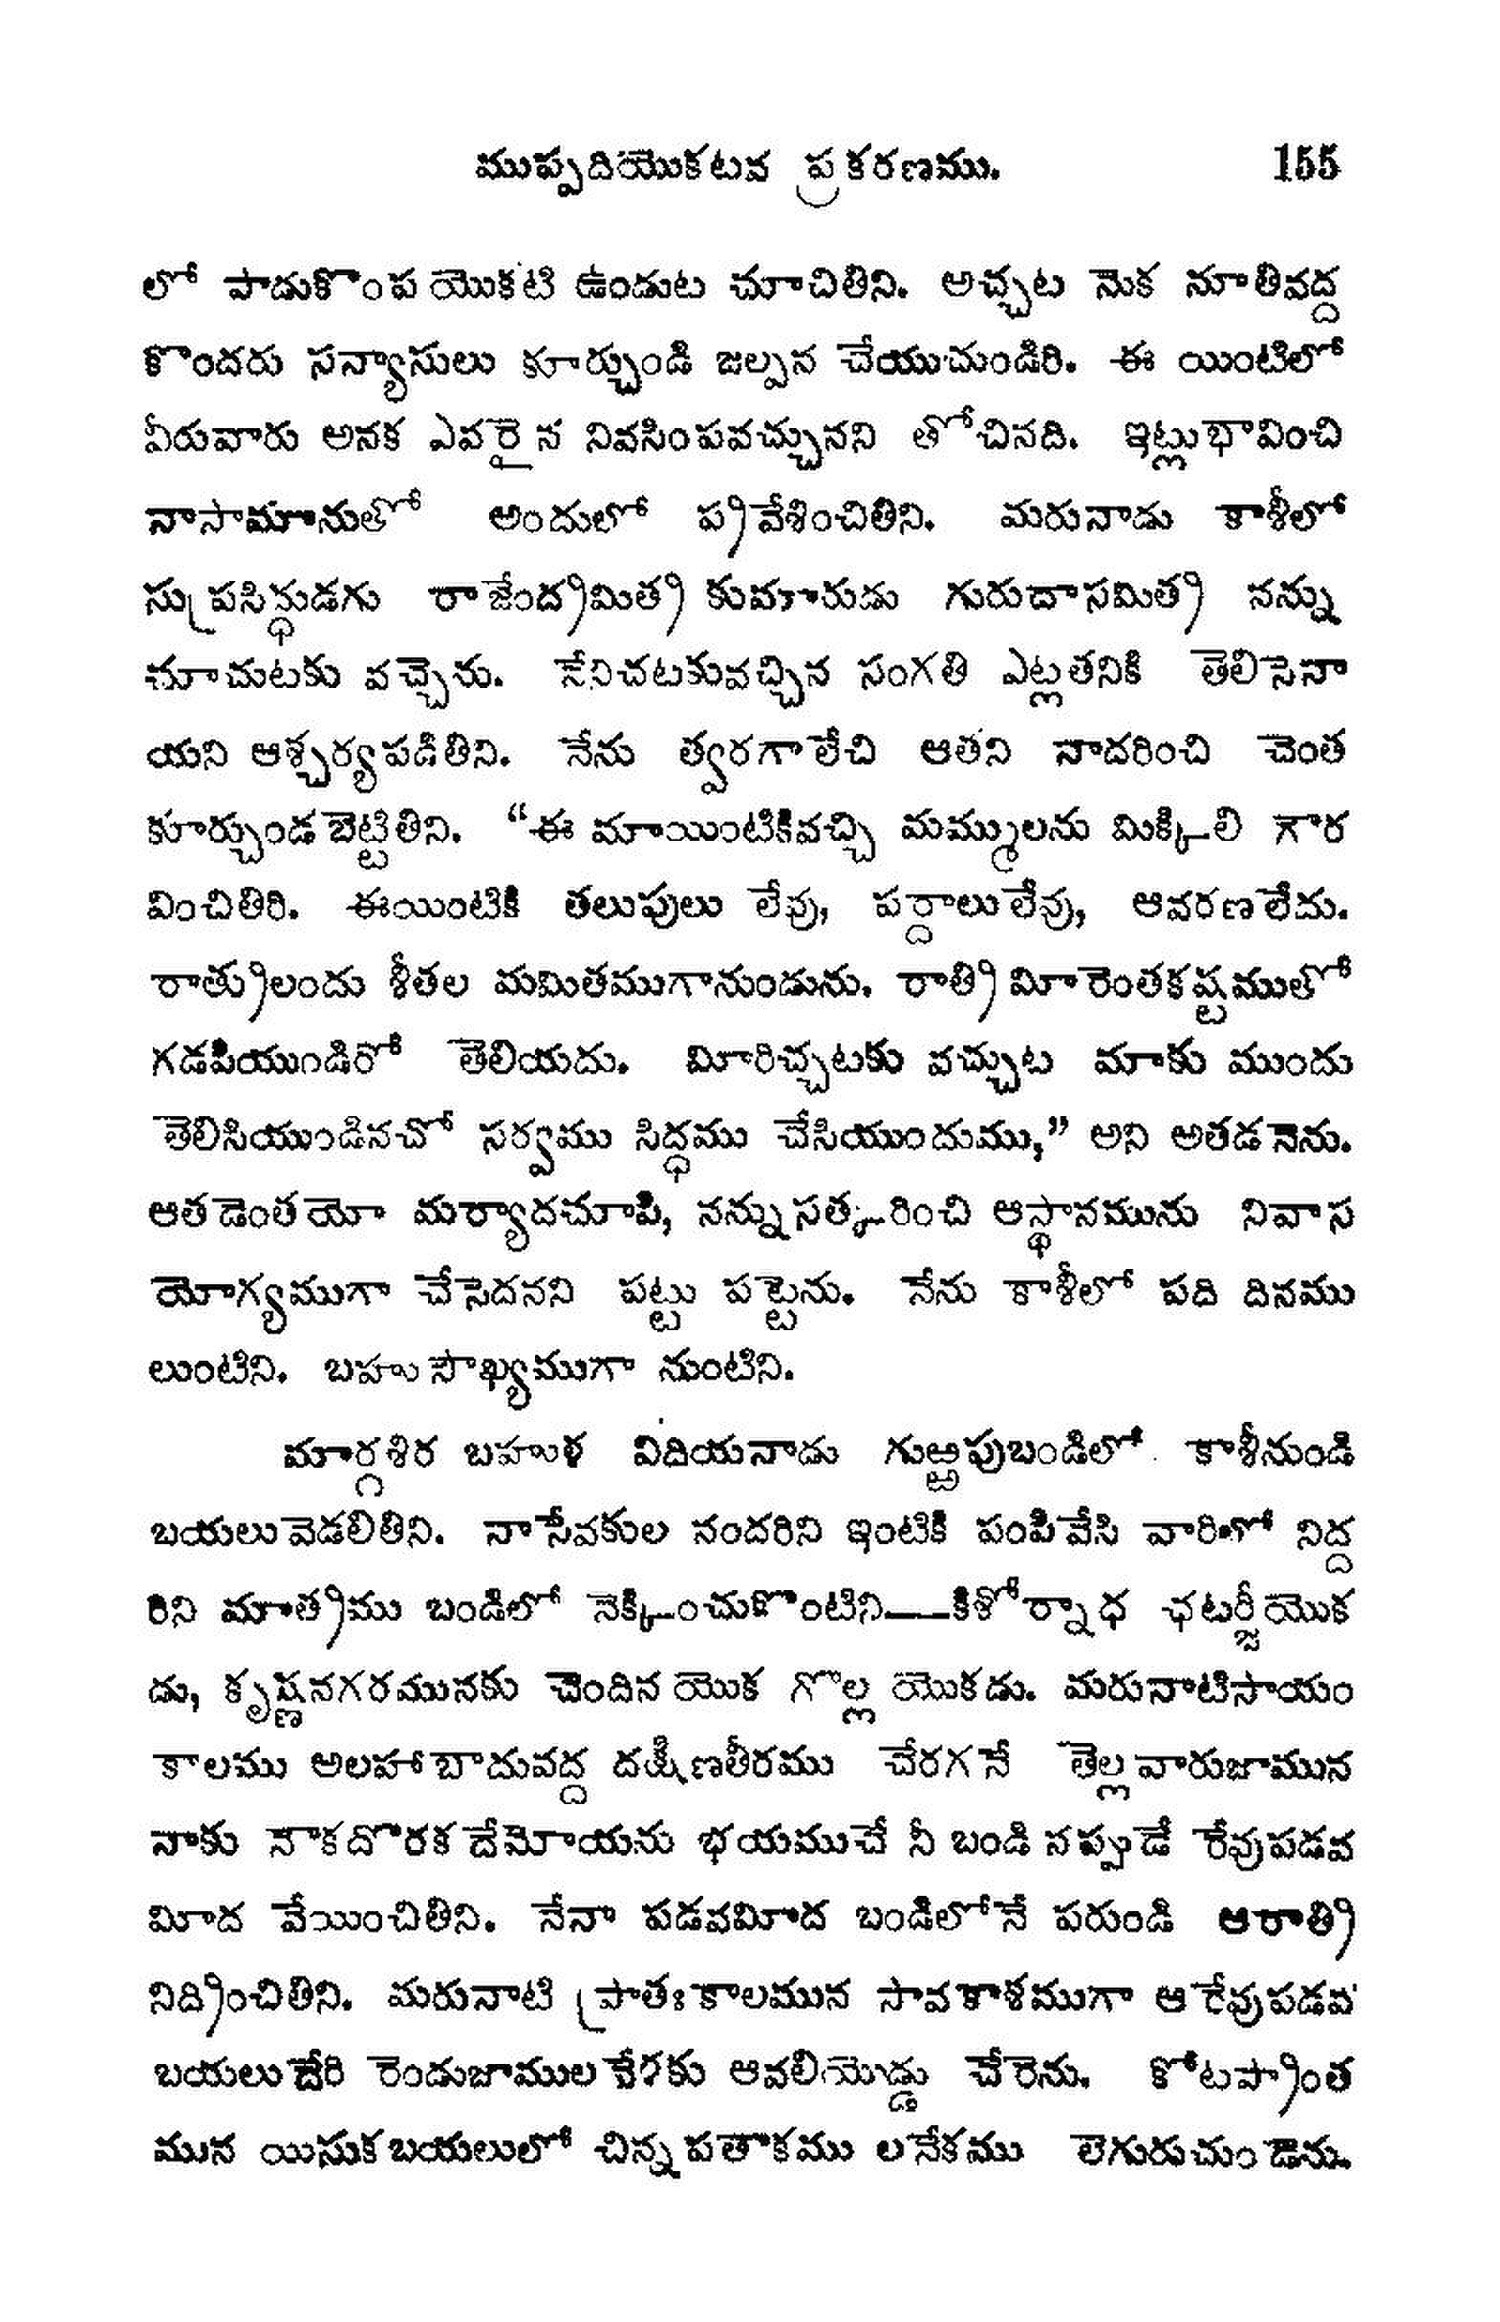.
లో పాడుకొంప యొకటి ఉండుట చూచితిని. అచ్చట ఒక నూతివద్ద
కొందరు సన్యాసులు కూర్చుండి జల్పన చేయుచుండిరి. ఈ యింటిలో
వీరు వారు అనక ఎవరైన నివసింపవచ్చునని తోచినది. ఇట్లు భావించి
నాసామానుతో అందులో ప్రవేశించితిని మరునాడు కాశీలో
సుప్రసిద్ధుడగు 'రాజేంద్రమిత్ర కుమారుడు గురుదాసమిత్ర, నన్ను
చూచుటకు వచ్చెను. నేనిచటకువచ్చిన సంగతి ఎట్ల తనికి తెలిసెనా
యని ఆశ్చర్య పడితిని. నేను త్వరగా లేచి ఆతని నాదరించి చెంత
కూర్చుండ బెట్టితిని. “ఈ మాయింటికి వచ్చి మమ్ములను మిక్కిలి గౌర
వించితిరి.ఈయింటికీ తలుపులు లేవు, పర్గాలు లేవు, ఆవరణ లేదు.
రాత్రులందు శీతల మమితముగా నుండును.రాత్రి మీరెంత కష్టముతో 
గడపియుండిరో తెలియదు. మీరిచ్చటకు వచ్చుట మాకు ముందు
తెలిసియుండినచో సర్వము సిద్ధము చేసియుందుము,” అని అతడనెను.
ఆత డెంతయో మర్యాద చూపి, నన్ను సత్కరించి ఆస్థానమును నివాస
యోగ్యముగా చేసెదనని పట్టు పట్టెను. నేను కాశీలో పది దినము
లుంటిని. బహు సౌఖ్యముగా నుంటిని.

మార్గశిర బహుళ విదియనాడు గుర్రపు బండిలో, కాశీ నుండి బయలు 
వెడలితిని. నా సేవకుల నందరిని ఇంటికి పంపి వేసి వారిలో నిద్దరిని 
మాత్రము బండిలో నేక్కించుకొంటిని —-కిశోర్నాధ ఛటర్జీ యొకడు, కృష్ణ
నగరమునకు చెందిన యొక గొల్ల యొకడు. మరునాటి సాయంకాలము
అలహా బాదువద్ద దక్షిణతీరము చేరగనే 'తెల్ల వారుజామున నాకు నౌక దొరక
దేమోయను భయముచే నీబండి నప్పుడే రేవు పడవ మీద వేయించితిని.
నేనా పడవమీద బండిలోనే పరుండి ఆరాత్రినిదించితిని. మరునాటి 
ప్రాతః కాలమున సావకాశముగా ఆ రేవు పడవ'బయలు దేరి రెండుజాముల 
వరకు ఆవలి మెడ్డు చేరెను. కోట ప్రాంతమున యిసుక బయలులో చిన్న 
పతాకము లనేకము లెగురుచుండెను.